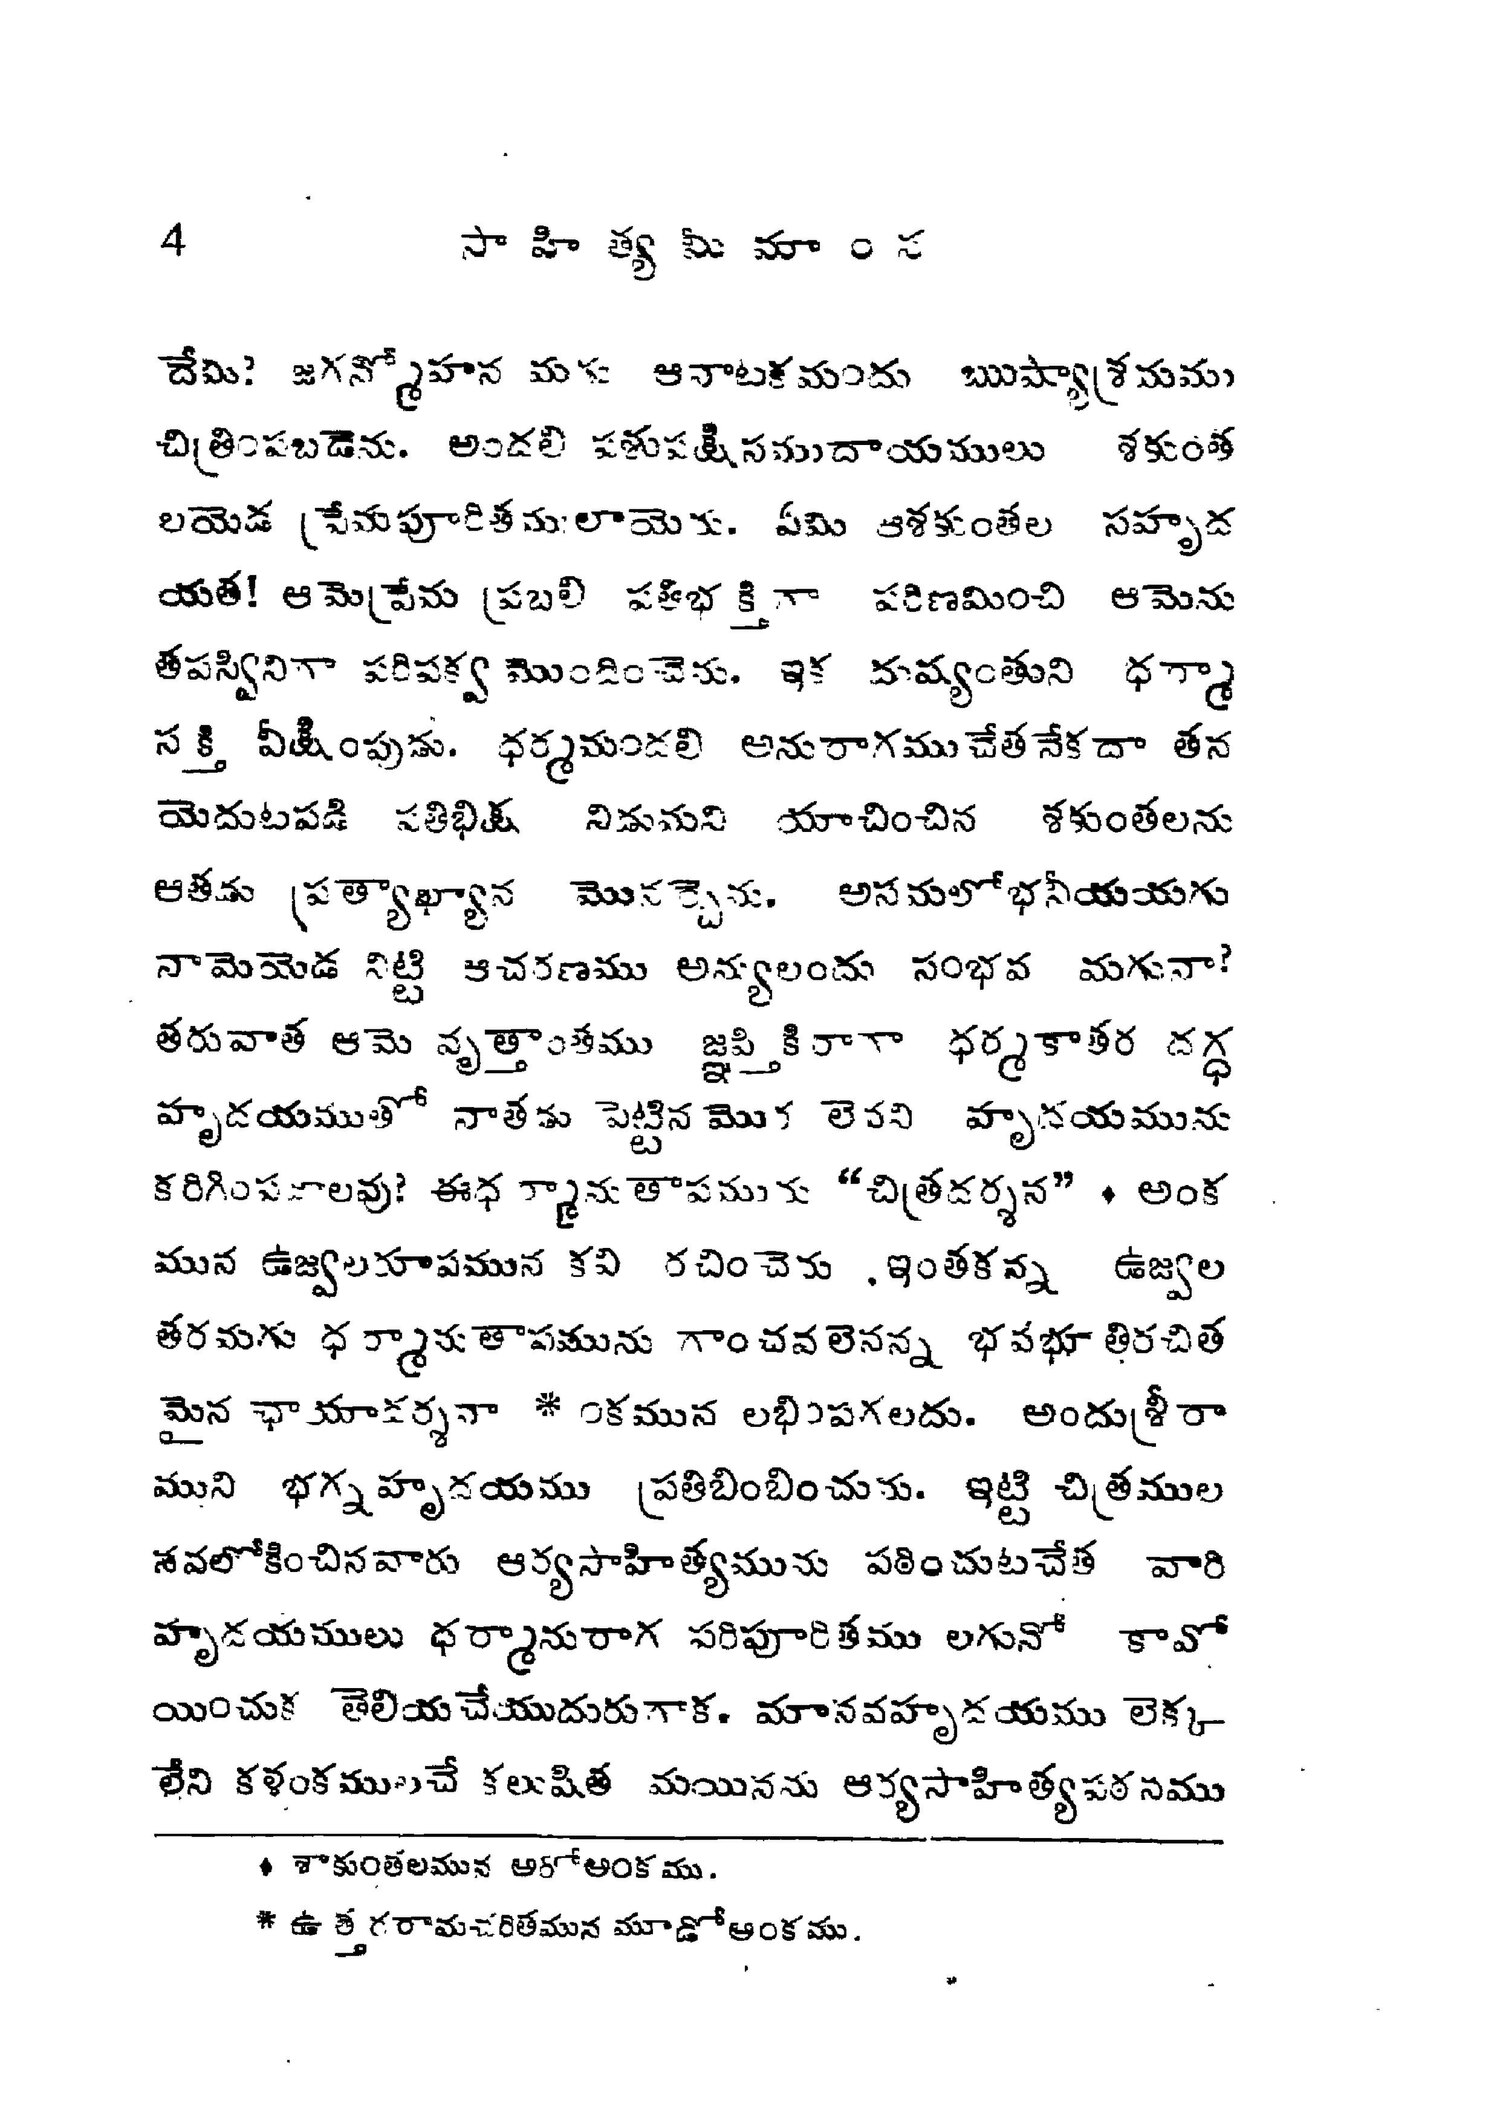దేమి? జగన్మోహన మగు ఆనాటకమందు ఋష్యాశ్రమము చిత్రింపబడెను. అందలి పశుపక్షిసముదాయములు శకుంతలయెడ ప్రేమపూరితములాయెను. ఏమి ఆశకుంతల సహృదయత! ఆమెప్రేమ ప్రబలి పతిభక్తిగా పరిణమించి ఆమెను తపస్వినిగా పరిపక్వ మొందించెను. ఇక దుష్యంతుని ధర్మా సక్తి వీక్షింపుడు. ధర్మమందలి అనురాగము చేతనేకదా తన యెదుటపడి పతిభిక్ష నిడుమని యాచించిన శకుంతలను ఆతడు ప్రత్యాఖ్యాన మొనర్చెను. అసమలోభనీయమగు నామెయెడ నిట్టి ఆచరణము అన్యులందు సంభవ మగునా? తరువాత ఆమె వృత్తాంతము జ్ఞప్తికిరాగా ధర్మకాతర దగ్ధ హృదయముతో నాతడు పెట్టిన మొర లెవని హృదయమును కరిగింపజాలవు? ఈధర్మానుతాపమును "చిత్రదర్శన" ♦ అంకమున ఉజ్వలరూపమున కవి రచించెను. ఇంతకన్న ఉజ్వలతరమగు ధర్మానుతాపమును గాంచవలెనన్న భవభూతిరచితమైన ఛాయాదర్శనా*౦కమున లభింపగలదు. అందుశ్రీరాముని భగ్నహృదయము ప్రతిబింబించును. ఇట్టి చిత్రముల నవలోకించినవారు ఆర్యసాహిత్యమును పఠించుటచేత వారి హృదయములు ధర్మానురాగ పరిపూరితము లగునో కావో యించుక తెలియచేయుదురుగాక. మానవహృదయము లెక్క లేని కళంకములచే కలుషిత మయినను ఆర్యసాహిత్యపఠనము